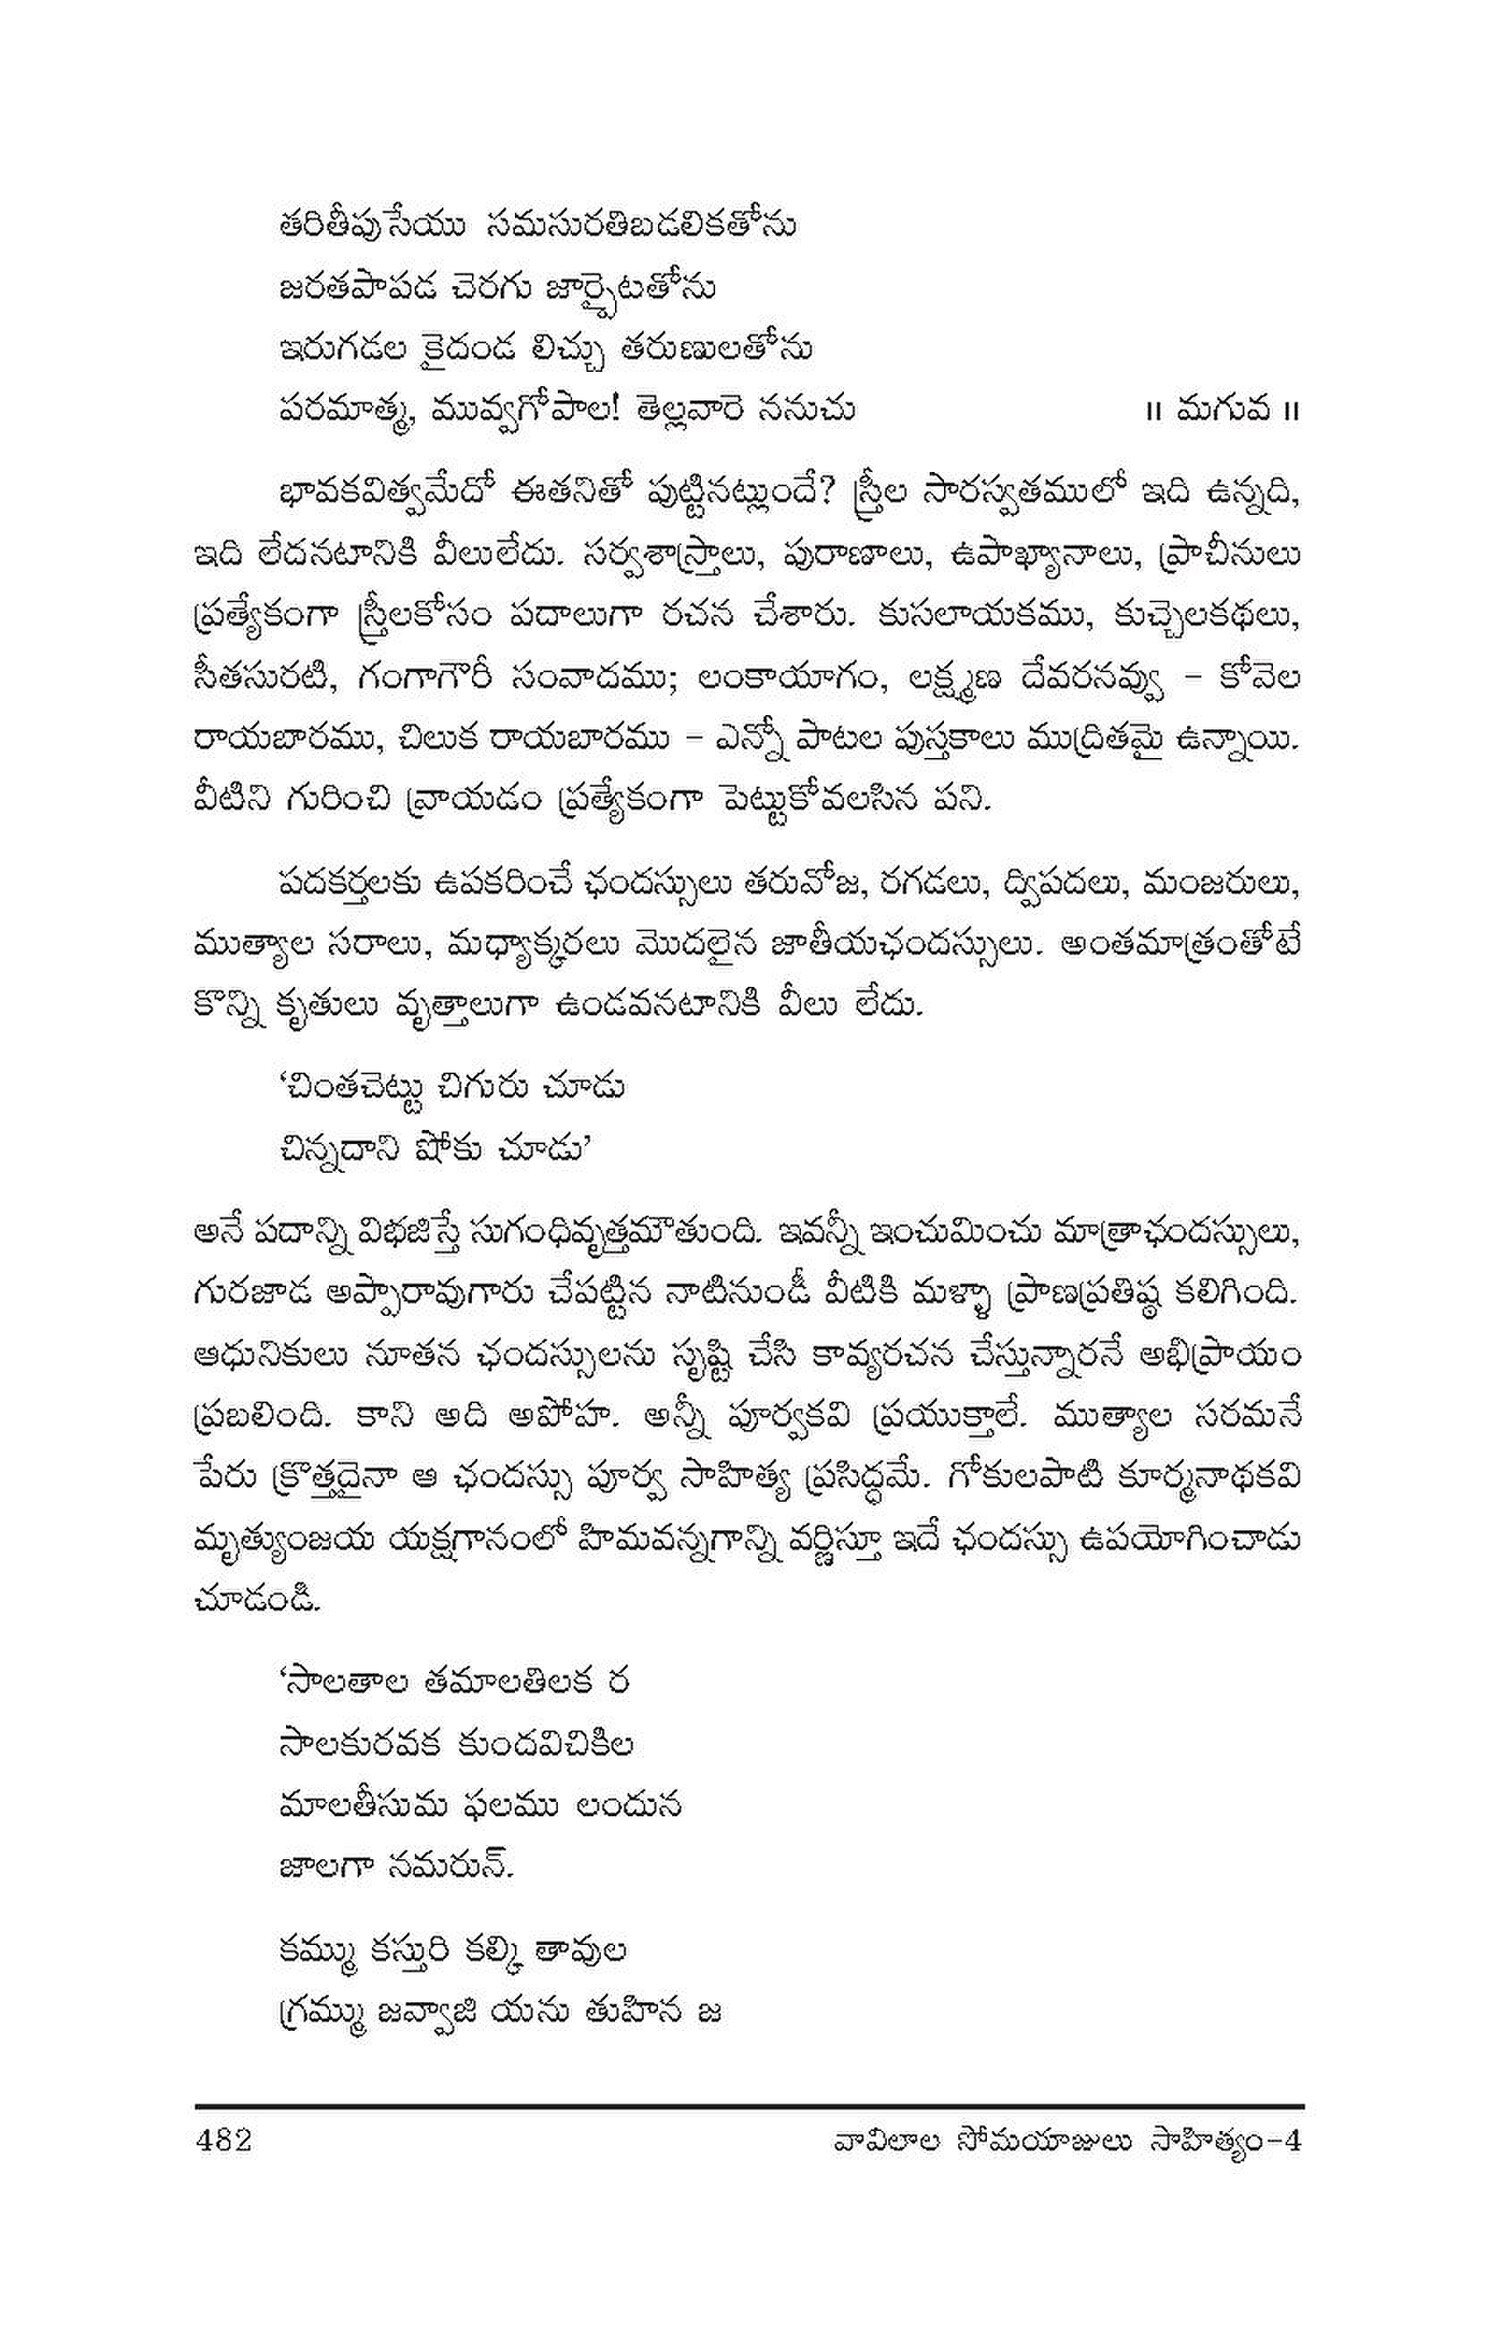తరితీపుసేయు సమసురతిబడలికతోను
జరతపాపడ చెరగు జార్బైటతోను
ఇరుగడల కైదండ లిచ్చు తరుణులతోను
పరమాత్మ, మువ్వగోపాల తెల్లవారె ననుచు
॥ మగువ ॥

భావకవిత్వమేదో ఈతనితో పుట్టినట్లుందే? స్త్రీల సారస్వతములో ఇది ఉన్నది,
ఇది లేదనటానికి వీలులేదు. సర్వశాస్త్రాలు, పురాణాలు, ఉపాఖ్యానాలు, ప్రాచీనులు
ప్రత్యేకంగా స్త్రీలకోసం పదాలుగా రచన చేశారు. కుసలాయకము, కుచ్చెలకథలు,
సీతసురటి, గంగాగౌరీ సంవాదము; లంకాయాగం, లక్ష్మణ దేవరనవ్వు - కోవెల
రాయబారము, చిలుక రాయబారము - ఎన్నో పాటల పుస్తకాలు ముద్రితమై ఉన్నాయి.
వీటిని గురించి వ్రాయడం ప్రత్యేకంగా పెట్టుకోవలసిన పని.

పదకర్తలకు ఉపకరించే ఛందస్సులు తరువోజ, రగడలు, ద్విపదలు, మంజరులు,
ముత్యాల సరాలు, మధ్యాక్కరలు మొదలైన జాతీయఛందస్సులు. అంతమాత్రంతోటే
కొన్ని కృతులు వృత్తాలుగా ఉండవనటానికి వీలు లేదు.

'చింతచెట్టు చిగురు చూడు
చిన్నదాని షోకు చూడు'

అనే పదాన్ని విభజిస్తే సుగంధివృత్తమౌతుంది. ఇవన్నీ ఇంచుమించు మాత్రాఛందస్సులు,
గురజాడ అప్పారావుగారు చేపట్టిన నాటినుండీ వీటికి మళ్ళా ప్రాణప్రతిష్ఠ కలిగింది.
ఆధునికులు నూతన ఛందస్సులను సృష్టి చేసి కావ్యరచన చేస్తున్నారనే అభిప్రాయం
ప్రబలింది. కాని అది అపోహ. అన్నీ పూర్వకవి ప్రయుక్తాలే. ముత్యాల సరమనే
పేరు క్రొత్తదైనా ఆ ఛందస్సు పూర్వ సాహిత్య ప్రసిద్ధమే. గోకులపాటి కూర్మనాథకవి
మృత్యుంజయ యక్షగానంలో హిమవన్నగాన్ని వర్ణిస్తూ ఇదే ఛందస్సు ఉపయోగించాడు
చూడండి.

'సాలతాల తమాలతిలక ర
సాలకురవక కుందవిచికిల
మాలతీసుమ ఫలము లందున
జాలగా నమరున్.

కమ్ము కస్తురి కల్కి తావుల
గ్రమ్ము జవ్వాజి యను తుహిన జ